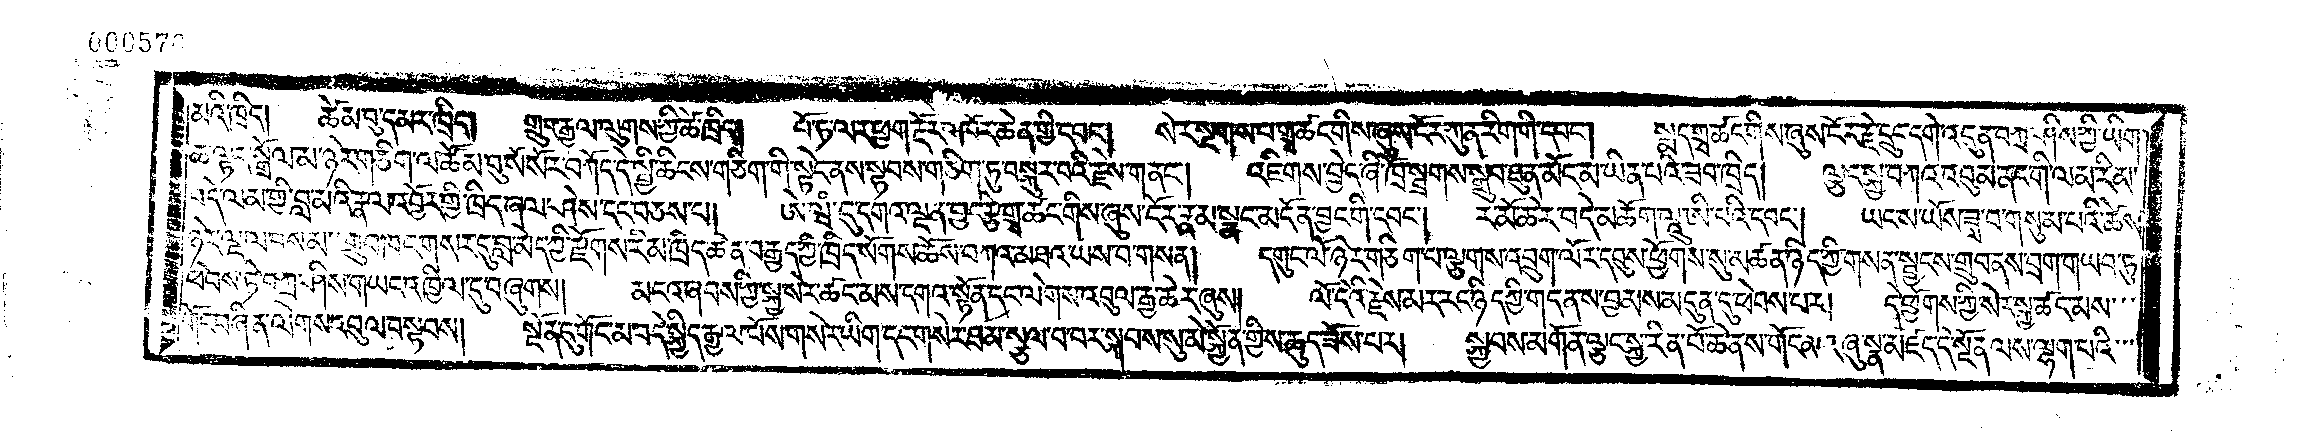མའི་ཁྲིད། ཚེམ་བུ་དམར་ཁྲིད། གྲུབ་རྒྱལ་ལུགས་ཀྱི་ཚེ་ཁྲིད། པོ་ཏ་ལར་ཕྱག་རྡོར་འཁོར་ཆེན་གྱི་དབང་། སེ་ར་སྔགས་པ་གྲྭ་ཚང་གིས་ཞུས་ངོར་ཀུན་རིག་གི་དབང་། སྨད་གྲྭ་ཚང་གིས་ཞུས་ངོར་རྗེ་དྲུང་དགེ་འདུན་བཀྲ་ཤིས་ཀྱི་ཡིག་
ཆ་ལྟར་སྒྲོལ་མ་ཉེར་གཅིག་ལ་ཚོམ་བུ་སོ་སོར་བཀོད་དེ་སྤྱི་ཆིངས་གཅིག་གི་སྟེང་ནས་སྟབས་གཅིག་ཏུ་བསྐུར་བའི་རྗེས་གནང་། འཇིགས་བྱེད་ཞི་ཁྲོ་སྦྲགས་སྒྲུབ་ཐུན་མོང་མ་ཡིན་པའི་ཟབ་ཁྲིད། ལྕང་སྐྱ་བཀའ་འབུམ་ནང་གི་ལམ་རིམ་
བདེ་ལམ་གྱི་བླ་མའི་རྣལ་འབྱོར་གྱི་ཁྲིད་ཞལ་ཤེས་དང་བཅས་པ། ཨེ་ཝཾ་དུ་དགའ་ལྡན་བྱང་རྩེ་གྲྭ་ཚང་གིས་ཞུས་ངོར་རྣམ་སྣང་མངོན་བྱང་གི་དབང་། ར་མོ་ཆེར་བདེ་མཆོག་ལཱུ་ཨི་པའི་དབང་། ཡང་ས་ཡོས་ཟླ་བ་གསུམ་པའི་ཚེས་
ཉེར་ལྔ་ལ་བསམ་གྲུབ་ཁང་གསར་དུ་བླ་མེད་ཀྱི་རྫོགས་རིམ་ཁྲིད་ཆེན་བརྒྱད་ཀྱི་ཁྲིད་སོགས་ཆོས་བཀའ་མཐའ་ཡས་པ་གསན། དགུང་ལོ་ཉེར་གཅིག་པ་ལྕགས་འབྲུག་ལོར་དབུས་ཕྱོགས་སུ་མཚན་ཉིད་ཀྱི་གསན་སྦྱངས་གྲུབ་ནས་བྲག་གཡབ་ཏུ་
ཕེབས་ཏེ་བཀྲ་ཤིས་གཡང་འཁྱིལ་དུ་བཞུགས། མངའ་ཞབས་ཀྱི་སྐྱ་སེར་ཚང་མས་དགའ་སྟོན་དང་ལེགས་འབུལ་རྒྱ་ཆེར་ཞུས། ལོ་དེའི་རྗེས་མར་རང་ཉིད་ཀྱི་གདན་ས་བྱམས་མདུན་དུ་ཕེབས་པར། དེ་ཕྱོགས་ཀྱི་སེར་སྐྱ་ཚང་མས་
གོང་བཞིན་ལེགས་འབུལ་བསྟབས། སྔོན་དུ་གོང་མ་བདེ་སྐྱིད་རྒྱལ་བོས་གསེར་ཡིག་དང་གསེར་ཐམ་སྩལ་བ་བར་སྐབས་སུ་མེ་སྐྱོན་གྱིས་ཆུད་ཟོས་པར། སྐྱབས་མགོན་ལྕང་སྐྱ་རིན་པོ་ཆེ་ནས་གོང་མར་ཞུ་སྣ་མཛད་དེ་སྔོན་ལས་ལྷག་པའི་